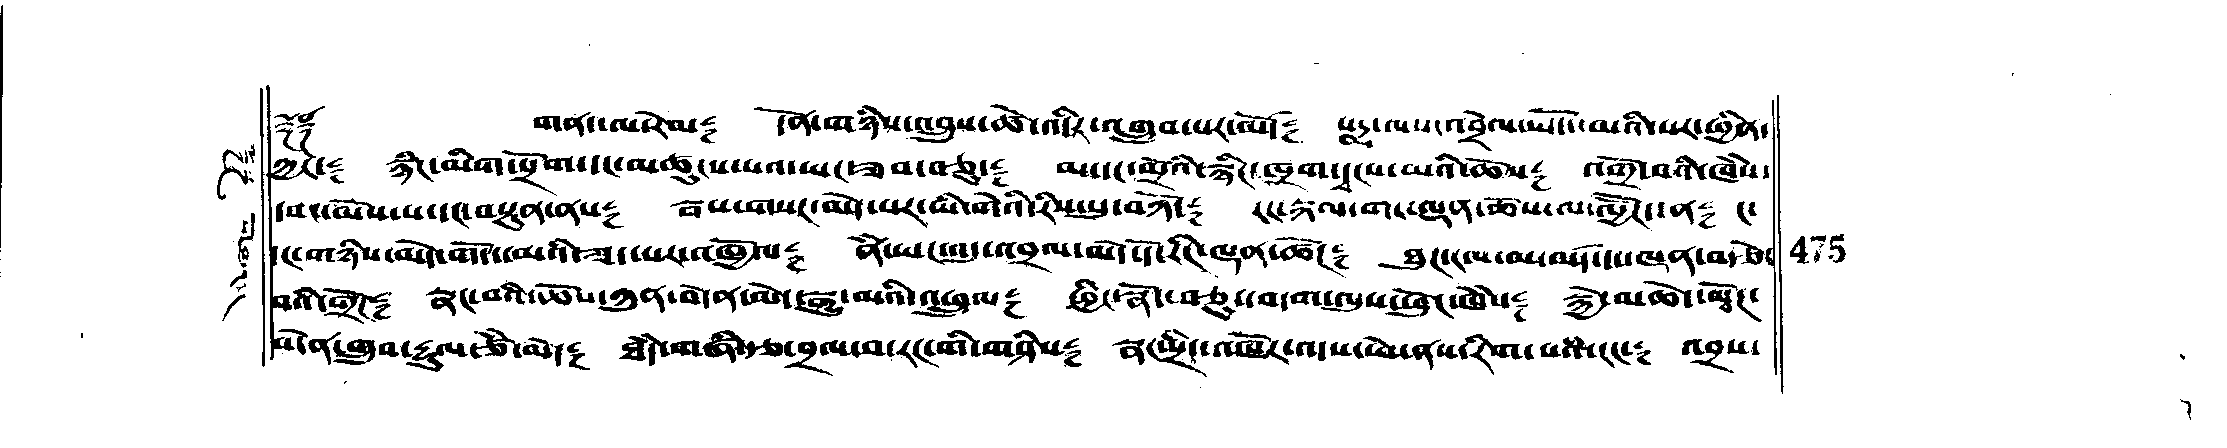གནད་ལ་རེམ། །དོན་གཉིས་འབྲས་བུ་ཚེ་འདིར་འགྲུབ་པར་མཛོད། །པདྨ་ལས་འབྲེལ་ཡོད་པའི་སར་ཕྱིན་
ཀྱང་། །སྙིང་མིག་སྲོག་དང་མཚུངས་པའི་ཡང་ཟབ་བཅུད། །མ་དང་མཁའ་འགྲོའི་སྙིང་ཁྲག་དྭངས་མའི་ཆོས། །འགྲོ་བའི་ཁམས་
དབང་མོས་པ་དང་བསྟུན་ནས། །སྦས་གསང་མེད་པར་ཡི་གེའི་རྀིས་སུ་བཀོད། །རང་སྐལ་གང་ལྡན་ཆོས་ལ་ལོངས་སྤྱོད་ན། །ང་
དང་གཉིས་མེད་གདོད་མའི་ཟད་སར་འཁྱོལ། །ནམ་ཡང་འདུ་འབྲལ་མེད་དོ་རིགས་ལྡན་ཚོགས། །ཐུགས་ངལ་མ་མཛད་དད་ལྡན་བརྩེ་
བའི་གྲོགས། །སྣང་བའི་ཆོས་ཀུན་བདེན་མེད་སྒྱུ་མའི་འཕྲུལ། །ཕྱི་ནང་སྣོད་བཅུད་བདག་ལུས་ཕུང་པོ་ཁམས། །སྐྱེ་མཆེད་ལ་སོགས་
བདེན་གྲུབ་རྡུལ་ཙམ་མེད། །ཐམས་ཅད་གཞི་རྩ་བྲལ་བ་རང་གི་གཤིས། །སྣང་སྲིད་འཁོར་འདས་ཡེ་ནས་རིག་པའི་ངང་། །འབྲས་